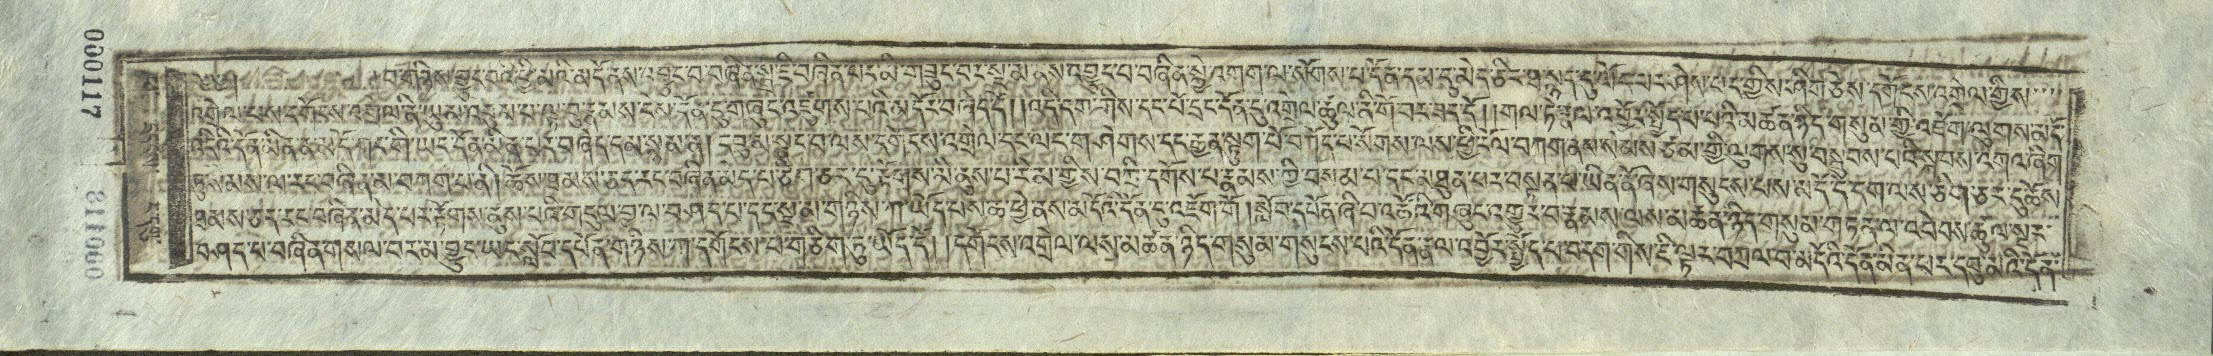༄༅། །བ་གཉིས་བྱུང་བའི་ཕྱི་མའི་མདོ་ནས་འབྱུང་བ་བཞིན་སྒྲ་ཇི་བཞིན་པར་མི་གཟུང་བར་སྔ་མ་ནས་འབྱུང་བ་བཞིན་སྐྱེ་འགག་ལ་སོགས་པ་དོན་དམ་དུ་མེད་ཅིང་ཐ་སྙད་དུ་ཡོད་པར་ཤེས་པར་གྱིས་ཤིག་ཅེས་དགོངས་འགྲེལ་གྱིས་
འགྲེལ་པས་དགོངས་འགྲེལ་ནི་ཡུམ་འབུམ་པ་ལྟ་བུ་རྣམས་ངེས་དོན་དུ་གཞུང་འཛུགས་པའི་མདོར་བཞེད་དོ། །འདི་དག་གིས་དང་པོ་དྲང་དོན་དུ་འགྲེལ་ཚུལ་ནི་གོ་བར་ཟད་དོ། །གལ་ཏེ་རྣལ་འབྱོར་སྤྱོད་པ་པའི་མཚན་ཉིད་གསུམ་གྱི་འཇོག་ལུགས་མདོ་
འདིའི་དོན་མིན་ན་མདོ་གང་གི་ཡང་དོན་མིན་པར་བཞེད་དམ་སྙམ་ན། དབུ་མ་སྣང་བ་ལས་དགོངས་འགྲེལ་དང་ལང་གཤེགས་དང་རྒྱན་སྟུག་པོ་བཀོད་པ་སོགས་ལས་ཕྱི་རོལ་བཀག་ནས་སེམས་ཙམ་གྱི་ལུགས་སུ་བསྒྲུབས་པའི་སྐབས་འགའ་ཞིག་
ཏུ་སེམས་ལ་རང་བཞིན་མ་བཀག་པ་ནི། ཆོས་ཐམས་ཅད་རང་བཞིན་མེད་པ་ཅིག་ཅར་དུ་རྟོགས་མི་ནུས་པ་རིམ་གྱིས་བཀྲི་དགོས་པ་རྣམས་ཀྱི་བསམ་པ་དང་མཐུན་པར་བསྟན་པ་ཡིན་ནོ་ཞེས་གསུངས་པས་མདོ་དེ་དག་ལས་ཅིག་ཅར་དུ་ཆོས་
ཐམས་ཅད་རང་བཞིན་མེད་པར་རྟོགས་ནུས་པའི་གདུལ་བྱ་ལ་བཤད་པ་དང་སྔ་མ་གཉིས་ཀ་ཡོད་པས་ཆ་ཕྱེ་ནས་མདོའི་དོན་དུ་འཇོག་གོ། སློབ་དཔོན་ཞི་བ་འཚོའི་གཞུང་འགྱུར་བ་རྣམས་ལས་མཚན་ཉིད་གསུམ་གཏན་ལ་འབེབས་ཚུལ་སྔར་
བཤད་པ་བཞེན་གསལ་བར་མ་བྱུང་ཡང་སློབ་དཔོན་གཉིས་ཀ་དགོངས་པ་གཅིག་ཏུ་ཡོད་དོ། །དགོངས་འགྲེལ་ལས་མཚན་ཉིད་གསུམ་གསུངས་པའི་དོན་རྣལ་འབྱོར་སྤྱོད་པ་བདག་གིས་ཇི་ལྟར་བཀྲལ་བ་མདོའི་དོན་མིན་པར་དབུ་མའི་དོན་